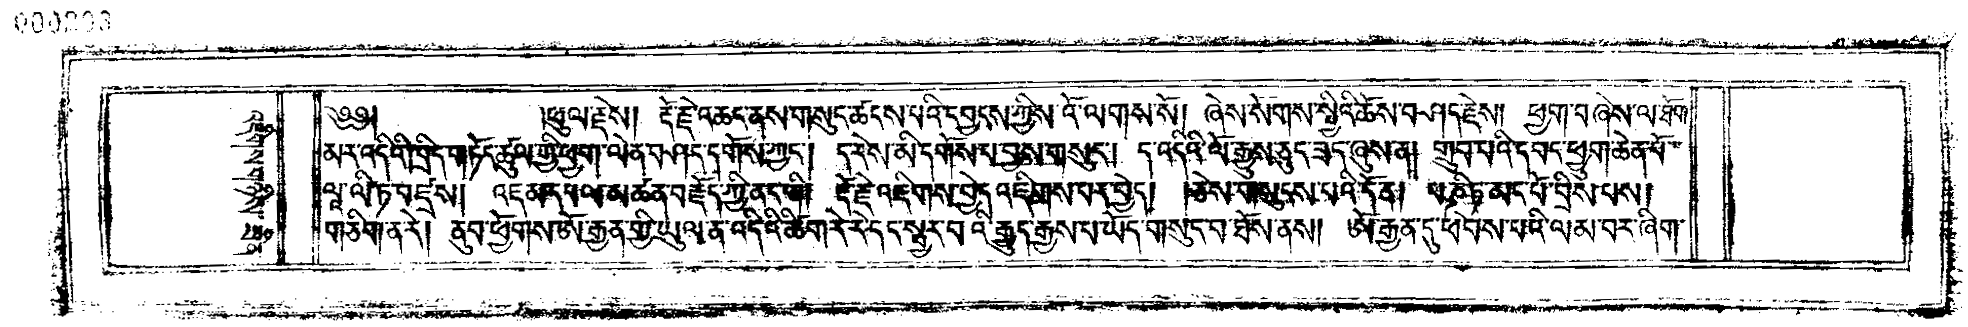༄༅། །ཕུལ་རྗེས། རྡོ་རྗེ་འཆང་ནས་གསུང་ཚངས་པའི་དབྱངས་ཀྱིས་འོ་ལགས་སོ། ཞེས་སོགས་སྤྱིའི་ཆོས་བཤད་རྗེས། ཕྱག་བཞེས་ལ་ཐོག་
མར་འདིའི་ཁྲིད་གཏོང་ཚུལ་གྱི་ཕྱག་ལེན་བཤད་དགོས་ཀྱང་། ད་རེས་མི་དགོས་པ་བྱས་གསུང་། ད་འདིའི་ལོ་རྒྱུས་ཅུང་ཟད་ཞུས་ན། གྲུབ་པའི་དབང་ཕྱུག་ཆེན་པོ་
ལཱ་ལི་ཏ་བཛྲས། འཇམ་དཔལ་མཚན་བརྗོད་ཀྱི་ནང་གི །རྡོ་རྗེ་འཇིགས་བྱེད་འཇིགས་པར་བྱེད། །ཅེས་གསུངས་པའི་དོན། པཎྜིཏ་མང་པོ་བྲིས་པས།
གཅིག་ན་རེ། ནུབ་ཕྱོགས་ཨོ་རྒྱན་གྱི་ཡུལ་ན་འདིའི་ཚིག་རེ་རེ་དང་སྦྱར་བའི་རྒྱུད་རྒྱས་པ་ཡོད་གསུང་བ་ཐོས་ནས། ཨོ་རྒྱན་དུ་ཕེབས་པའི་ལམ་བར་ཞིག་